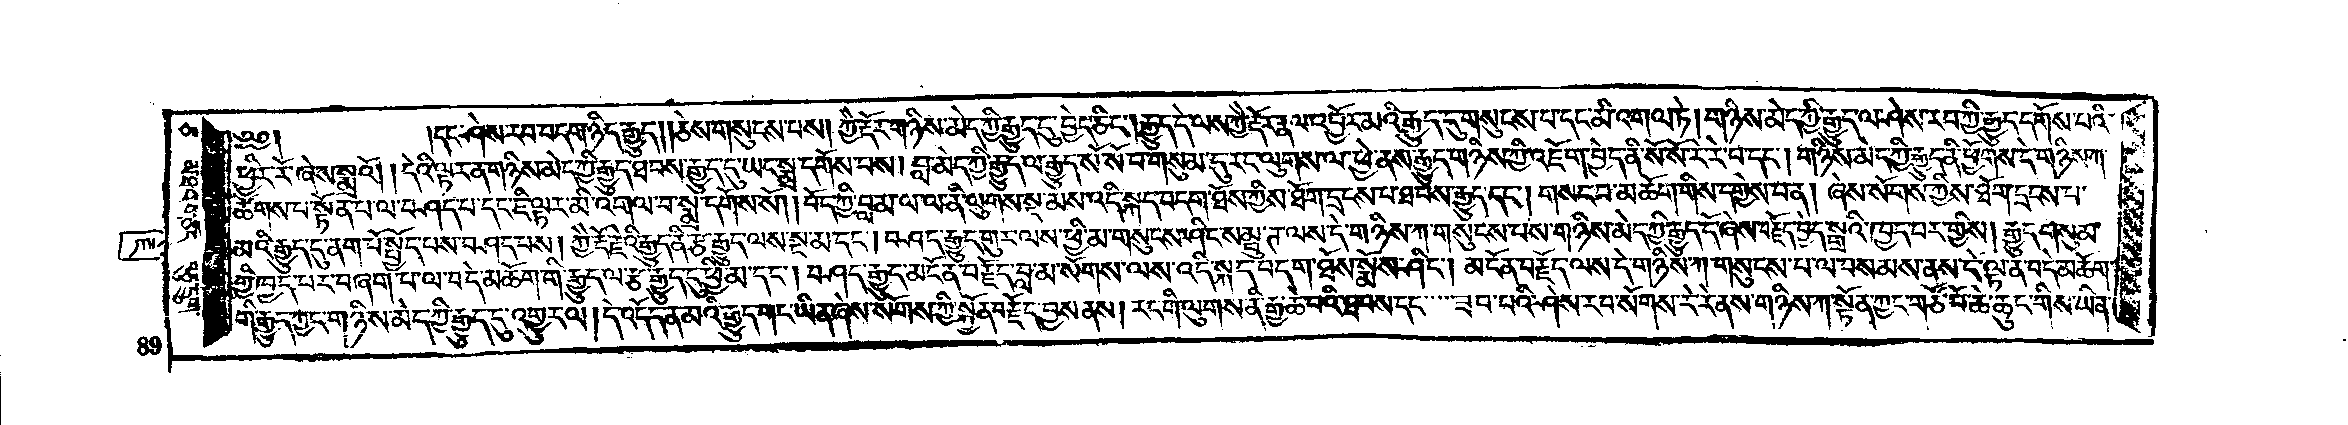༄༅། །དང་ཤེས་རབ་བདག་ཉིད་རྒྱུད། །ཅེས་གསུངས་པས། ཀྱཻ་རྡོར་གཉིས་མེད་ཀྱི་རྒྱུད་དུ་བྱེད་ཅིང་། རྒྱུད་དེ་ལས་ཀྱཻ་རྡོར་རྣལ་འབྱོར་མའི་རྒྱུད་དུ་གསུངས་པ་དང་མི་འགལ་ཏེ། གཉིས་མེད་ཀྱི་རྒྱུད་ལ་ཤེས་རབ་ཀྱི་རྒྱུད་དགོས་པའི་
ཕྱིར་རོ་ཞེས་སྨྲའོ། །དེའི་ལྟར་ན་གཉིས་མེད་ཀྱི་རྒྱུད་ཐབས་རྒྱུད་དུ་ཡང་སྨྲ་དགོས་པས། བླ་མེད་ཀྱི་རྒྱུད་ལ་རྒྱུད་སོ་སོ་བ་གསུམ་དུ་རང་ལུགས་ལ་ཕྱེ་ནས་རྒྱུད་གཉིས་ཀྱི་འཇོག་བྱེད་ནི་སོ་སོ་རེ་རེ་བ་དང་། གཉིས་མེད་ཀྱི་རྒྱུད་ནི་ཕྱོགས་དེ་གཉིས་ཀ་
ཚོགས་པ་སྟོན་པ་ལ་བཤད་པ་དང་ཇི་ལྟར་མི་འགལ་བ་སྨྲ་དགོས་སོ། །བོད་ཀྱི་བླ་མ་ལ་ལ་ནི་ལུགས་སྔ་མས་འདི་སྐད་བདག་ཐོས་ཀྱིས་ཐོག་དྲངས་པ་ཐབས་རྒྱུད་དང་། གསང་བ་མཆོག་གིས་དགྱེས་པ་ན། ཞེས་སོགས་ཀྱིས་ཐོག་དྲངས་པ་
མའི་རྒྱུད་དུ་ནག་པོ་སྤྱོད་པས་བཤད་པས། ཀྱཻ་རྡོ་རྗེའི་རྒྱུད་ནི་རྩ་རྒྱུད་ལས་སྔ་མ་དང་། བཤད་རྒྱུད་གུར་ལས་ཕྱི་མ་གསུངས་ཤིང་སམྦུ་ཊ་ལས་དེ་གཉིས་ཀ་གསུངས་པས་གཉིས་མེད་ཀྱི་རྒྱུད་དོ་ཞེས་བརྗོད་བྱེད་སྒྲའི་ཁྱད་པར་གྱིས། རྒྱུད་གསུམ་
གྱི་ཁྱད་པར་བཞག་པ་ལ་བདེ་མཆོག་གི་རྒྱུད་ལ་རྩ་རྒྱུད་དུ་ཕྱི་མ་དང་། བཤད་རྒྱུད་མངོན་བརྗོད་བླ་མ་སོགས་ལས་འདི་སྐད་བདག་ཐོས་སྨོས་ཤིང་། མངོན་བརྗོད་ལས་དེ་གཉིས་ཀ་གསུངས་པ་ལ་བསམས་ནས་དེ་ལྟ་ན་བདེ་མཆོག་
གི་རྒྱུད་ཀྱང་གཉིས་མེད་ཀྱི་རྒྱུད་དུ་འགྱུར་ལ། དེ་འདོད་ན་མའི་རྒྱུད་གང་ཡིན་ཞེས་སོགས་ཀྱི་སྐྱོན་བརྗོད་བྱས་ནས། རང་གི་ལུགས་ནི་རྒྱ་ཆེ་བའི་ཐབས་དང་ཟབ་པའི་ཤེས་རབ་སོགས་རེ་རེ་ནས་གཉིས་ཀ་སྟོན་ཀྱང་གཙོ་བོ་ཆེ་ཆུང་གིས་ཡིན་